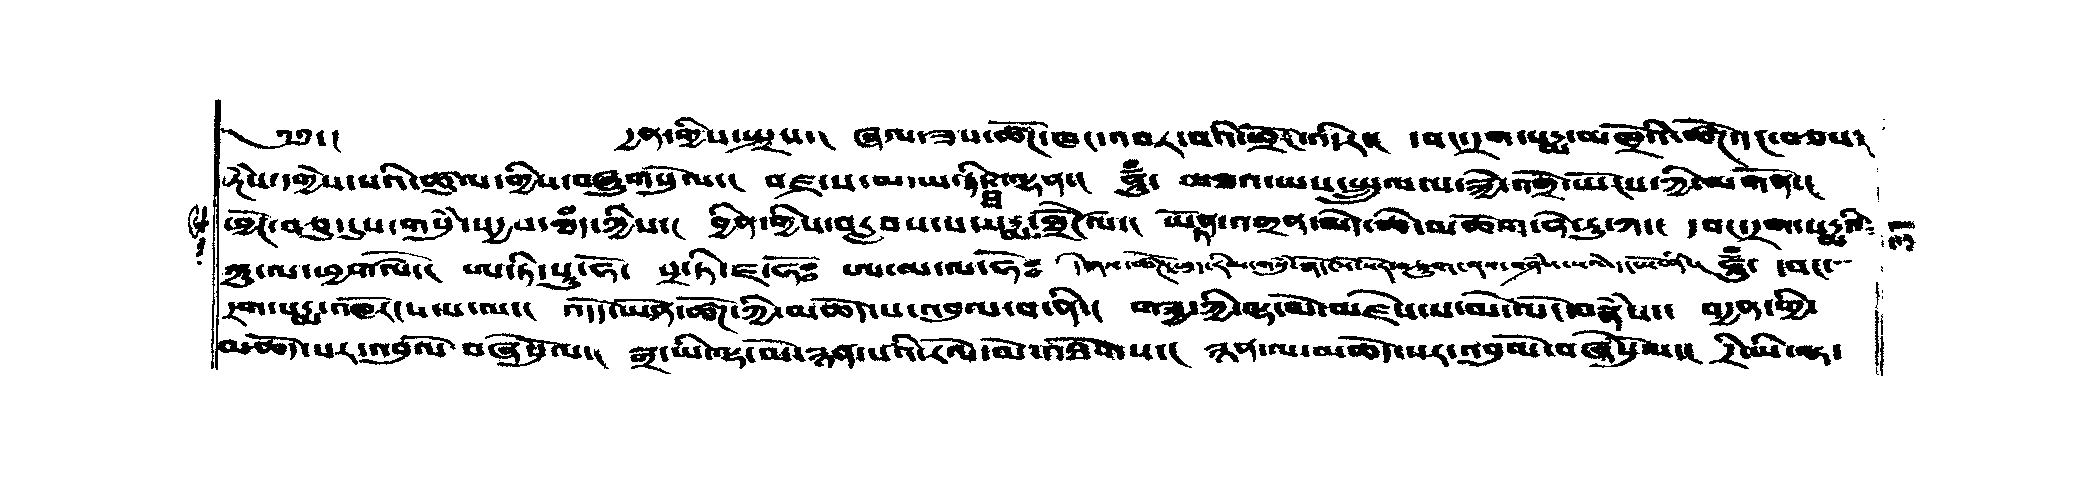རྒྱན་གྱིས་སྤྲས། །ཞལ་ཟས་ཚོགས་ཁང་འབར་བའི་ཕོ་བྲང་འདིར། །དབང་དྲག་པདྨ་མཁའ་གྲོའི་ཚོགས་དང་བཅས། །
རྔམས་དགྱེས་སའི་ཚུལ་གྱིས་བཞུགས་སུ་གསོལ། །བཛྲ་ས་མ་ཡ་ཏིཥྠ་ལྷན། ཧཱུྃ། མཐའ་ཡས་སྤྲུལ་པ་སྐྱེ་འགྲོ་ཡོངས་ཀྱི་མགོན། །
ཕྱོགས་བཅུ་དུས་གསུམ་སངས་རྒྱས་ཐམས་ཅད་ཀྱིས། །བྱིན་གྱིས་བརླབས་པ་པདྨ་ཐོད་ཕྲེང་རྩལ། །ཡོན་ཏན་འགྲན་མེད་ཆེ་མཆོག་ཧེ་རུ་ཀ། །དབང་དྲག་པདྨའི་
སྐུ་ལ་ཕྱག་འཚལ་ལོ། །ཨ་ཏི་པཱུ་ཧོ། ཨ་ལ་ལ་ཧོཿ དེ་ནས་ཚོགས་ཕུད་སོ་སོར་བཅུག་ནས་བཤམས་པའི་དང་པོ་ནི། ཧཱུྃ། དབང་
དྲག་པདྨ་འཁོར་དང་བཅས་པ་ལ། །འདོད་ཡོན་ཚོགས་ཀྱི་མཆོད་པ་འབུལ་བ་ནི།།གཟུགས་ཀྱི་ལྷ་མོ་མཛེས་པ་མེ་ལོང་བསྣམས། །བརྒྱན་གྱི་
མཆོད་པར་འབུལ་ལོ་བཞེས་སུ་གསོལ། །སྒྲ་ཡི་ལྷ་མོ་སྙན་པའི་རོལ་མོ་འཐོགས། །སྙན་ལ་མཆོད་པར་འབུལ་ལོ་བཞེས་སུ་གསོལ། །དྲི་ཡི་ལྷ་